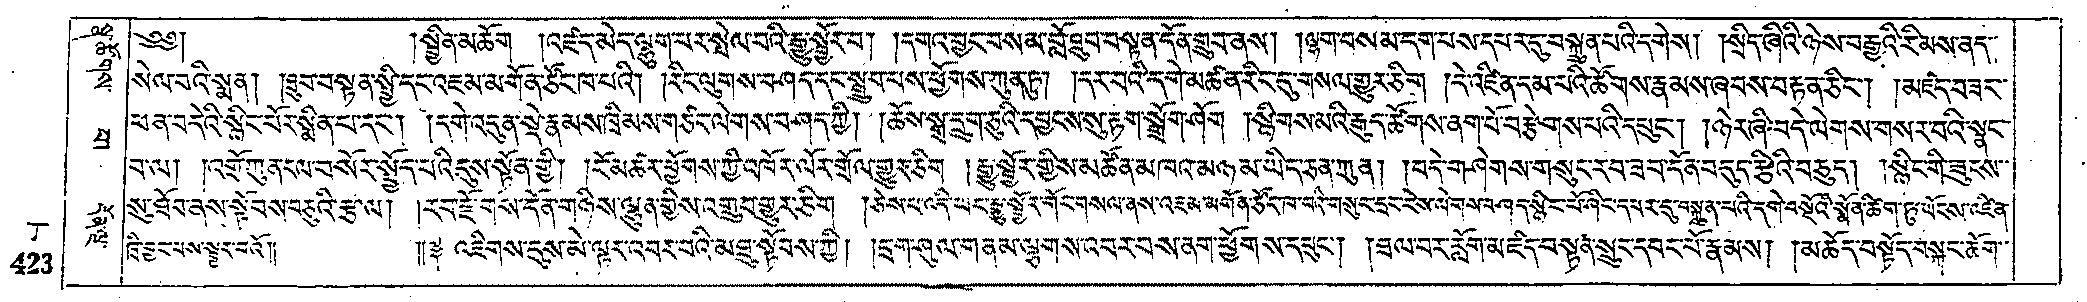༄༅། །སྦྱིན་མཆོག །འཛད་མེད་ལྷུག་པར་སྤེལ་བའི་རྒྱུ་སྦྱོར་བ། །དགའ་བྱང་བསམ་བློ་ཐུབ་བསྟན་དོན་གྲུབ་ནས། །ལྷག་བསམ་དག་པས་དཔར་དུ་བསྐྲུན་པའི་དགེས། །སྲིད་ཞིའི་ཉེས་བརྒྱའི་རིམས་ནད་་་
སེལ་བའི་སྨན། །ཐུབ་བསྟན་སྤྱི་དང་འཇམ་མགོན་ཙོང་ཁ་པའི། །རིང་ལུགས་བཤད་དང་སྒྲུབ་པས་ཕྱོགས་ཀུན་ཏུ། །དར་བའི་དགེ་མཚན་རིང་དུ་གསལ་གྱུར་ཅིག །དེ་འཛིན་དམ་པའི་ཚོགས་རྣམས་ཞབས་བརྟན་ཅིང་། །མཛད་བཟང་་་
ཕན་བདེའི་སྙིང་པོར་སྨིན་པ་དང་། །དགེ་འདུན་སྡེ་རྣམས་ཁྲིམས་གཙང་ལེགས་བཤད་ཀྱི། །ཆོས་སྒྲ་དྲུག་ཅུའི་དབྱངས་སུ་རྟག་སྒྲོག་ཤོག །སྙིགས་མའི་རྒུད་ཚོགས་ནག་པོ་བརྩེགས་པའི་དཔུང་། །ཉེར་ཞི་བདེ་ལེགས་གསར་བའི་སྣང་་་
བ་ལ། །འགྲོ་ཀུན་ངན་བསོར་སྤྱོད་པའི་དུས་སྟོན་གྱི། །ངོ་མཚར་ཕྱོགས་ཀྱི་འཁོར་ལོར་གྲོལ་གྱུར་ཅིག། །རྒྱུ་སྦྱོར་གྱིས་མཚོན་མཁའ་མཉམ་ཡིད་ཅན་ཀུན། །བདེ་གཤེགས་གསུང་རབ་ཟབ་དོན་བདུད་རྩིའི་བཅུད། །སྙིང་གི་ཟུངྶ་་་
སུ་ཐོབ་ནས་སྟོབས་བཅུའི་རྩལ། །རབ་རྫོགས་དོན་གཉིས་ལྷུན་གྱིས་འགྲུབ་གྱུར་ཅིག །ཅེས་པ་འདི་ཡང་རྒྱུ་སྦྱོར་གོང་གསལ་ནས་འཇམ་མགོན་ཙོང་ཁ་པའི་གསུང་དྲང་ངེས་ལེགས་བཤད་སྙིང་པོ་ཤིང་དཔར་དུ་བསྐྲུན་པའི་དགེ་བསྔོའི་སྨོན་ཚིག་ཏུ་ཡོངས་འཛིན་
ཁྲི་བྱང་པས་སྦྱར་བའོ།། །།འ་འཇིགས་དུས་མེ་ལྟར་འབར་བའི་མཐུ་སྟོབས་ཀྱི། །དྲག་ཤུལ་གནམ་ལྕགས་འབར་བས་ནག་ཕྱོགས་དཔུང་། །ཐལ་བར་རློག་མཛད་བསྟན་སྲུང་དབང་པོ་རྣམས། །མཆོད་བསྟོད་བསྐང་ཆོག་་་